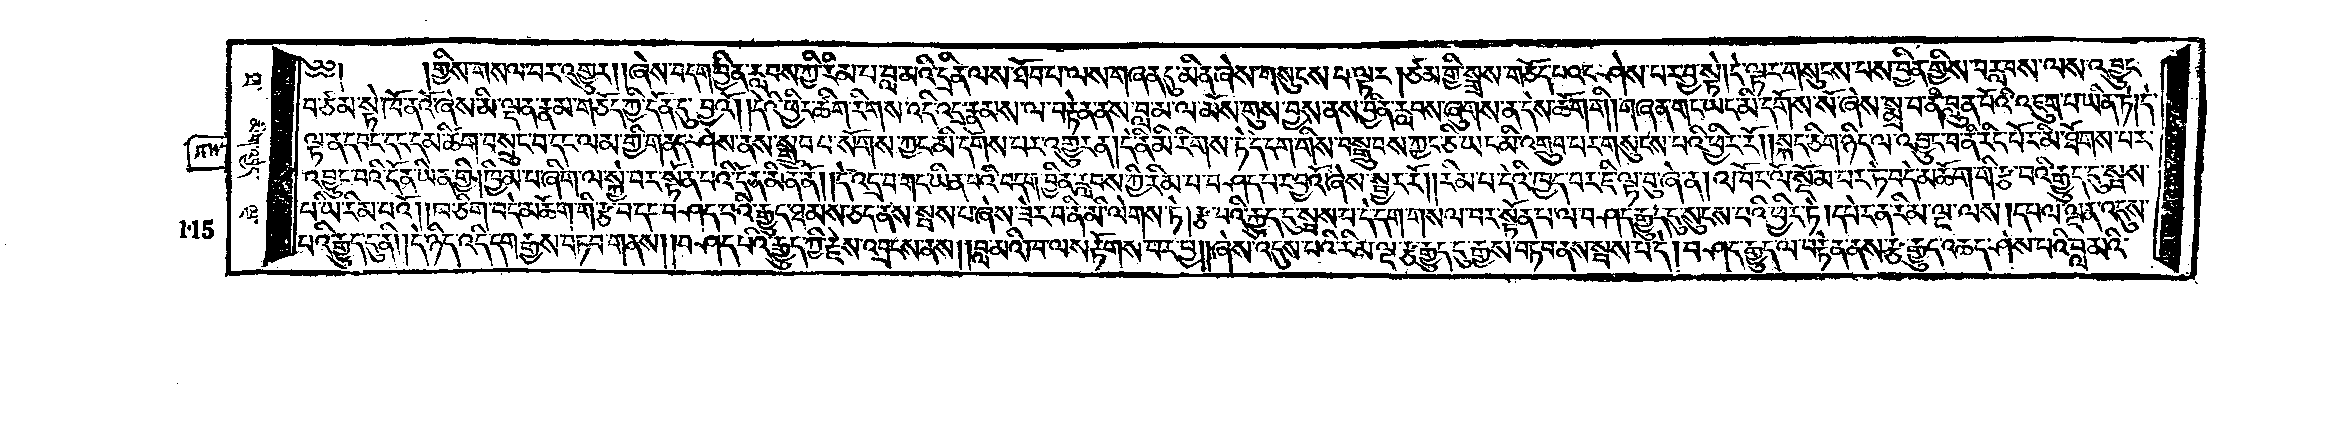༄༅། །གྱིས་གསལ་བར་འགྱུར། །ཞེས་བདག་བྱིན་རླབས་ཀྱི་རིམ་པ་བླ་མའི་དྲིན་ལས་ཐོབ་པ་ལས་གཞན་དུ་མིན་ཞེས་གསུངས་པ་ལྟར། ཙམ་གྱི་སྒྲས་གཅོད་པའང་ཤེས་པར་བྱ་སྟེ། དེ་ལྟར་གསུངས་པས་བྱིན་གྱིས་བརླབས་ལས་འབྱུང་
བ་ཙམ་སྟེ་ཁོ་ནའོ་ཞེས་མི་ལྡན་རྣམ་གཅོད་ཀྱི་དོན་དུ་བྱའོ། །དེའི་ཕྱིར་ཚིག་རིགས་འདི་འདྲ་རྣམས་ལ་བརྟེན་ནས་བླ་མ་ལ་མོས་གུས་བྱས་ནས་བྱིན་རླབས་ཞུགས་ན་དེས་ཆོག་གི །གཞན་གང་ཡང་མི་དགོས་སོ་ཞེས་སྨྲ་བ་ནི་བླུན་པོའི་འཇུག་པ་ཡིན་ཏེ། དེ་
ལྟ་ན་དབང་དང་དམ་ཚིག་བསྲུང་བ་དང་ལམ་གྱི་གནད་ཤེས་ནས་སྒྲུབ་པ་སོགས་ཀྱང་མི་དགོས་པར་འགྱུར་ན། དེ་ནི་མི་རིགས་ཏེ་དེ་དག་གིས་བསྒྲུབས་ཀྱང་ཅི་ཡང་མི་འགྲུབ་པར་གསུངས་པའི་ཕྱིར་རོ། །སྐད་ཅིག་ཉིད་ལ་འབྱུང་བ་ནི་རིང་པོར་མི་ཐོགས་པར་
འབྱུང་བའི་དོན་ཡིན་གྱི། ཁྱིམ་པ་ཞིག་ལ་སྐྱེ་བར་སྟོན་པའི་དོན་མིན་ནོ། །དེ་འདྲ་བ་གང་ཡིན་པའི་བདག་བྱིན་རླབས་ཀྱི་རིམ་པ་བཤད་པར་བྱའོ་ཞེས་སྦྱར་རོ། །རིམ་པ་དེའི་ཁྱད་པར་ཇི་ལྟ་བུ་ཞེ་ན། འཁོར་ལོ་སྡོམ་པར་ཏེ་བདེ་མཆོག་གི་རྩ་བའི་རྒྱུད་དུ་སྦས་
པ་ཡི་རིམ་པའོ། །ཁ་ཅིག་བདེ་མཆོག་གི་རྩ་བ་དང་བཤད་པའི་རྒྱུད་ཐམས་ཅད་ནས་སྦས་པ་ཞེས་ཟེར་བ་ནི་མི་ལེགས་ཏེ། རྩ་བའི་རྒྱུད་དུ་སྦས་པ་དེ་དག་གསལ་བར་སྟོན་པ་ལ་བཤད་རྒྱུད་དུ་སུངས་པའི་ཕྱིར་ཏེ། དཔེར་ན་རིམ་ལྔ་ལས། དཔལ་ལྡན་འདུས་
པའི་རྒྱུད་དུ་ནི། །དེ་ཉིད་འདི་དག་རྒྱས་བཏབ་གནས། །བཤད་པའི་རྒྱུད་ཀྱི་རྗེས་འབྲངས་ནས། །བླ་མའི་ཁ་ལས་རྟོགས་པར་བྱ། །ཞེས་འདུས་པའི་རིམ་ལྔ་རྩ་རྒྱུད་དུ་རྒྱས་བཏབ་ནས་སྦས་པ་དེ། བཤད་རྒྱུད་ལ་བརྟེན་ནས་རྩ་རྒྱུད་འཆད་ཤེས་པའི་བླ་མའི་